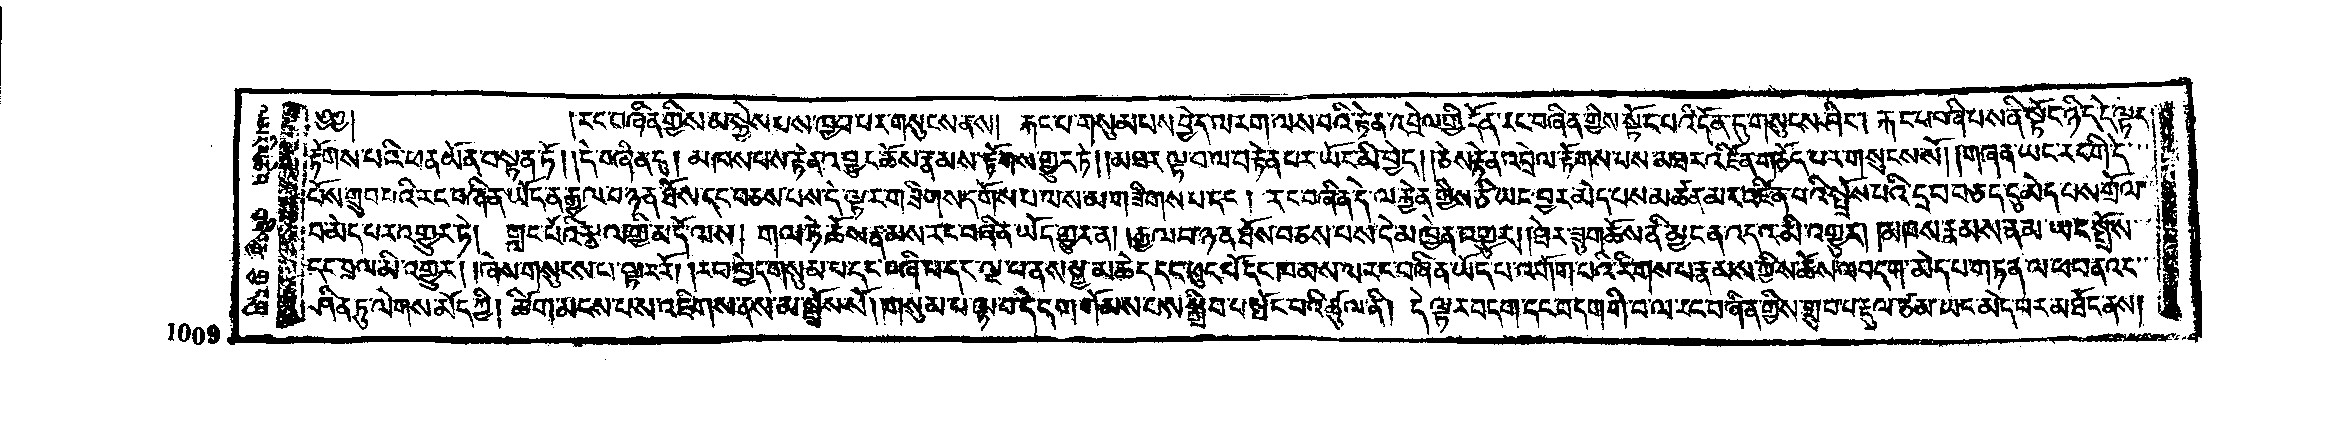༄༅། །རང་བཞིན་གྱིས་མ་སྐྱེས་པས་ཁྱབ་པར་གསུངས་ནས། རྐང་པ་གསུམ་པས་རྐྱེན་ལ་རག་ལས་པའི་རྟེན་འབྲེལ་གྱི་དོན་རང་བཞིན་གྱིས་སྟོང་པའི་དོན་དུ་གསུངས་ཤིང་། རྐང་པ་བཞི་པས་ནི་སྟོང་ཉིད་དེ་ལྟར་
རྟོགས་པའི་ཕན་ཡོན་བསྟན་ཏོ། །དེ་བཞིན་དུ། མཁས་པས་རྟེན་འབྱུང་ཆོས་རྣམས་རྟོགས་གྱུར་ཏེ། །མཐར་ལྟ་བ་ལ་བརྟེན་པར་ཡོང་མི་བྱེད། །ཅེས་རྟེན་འབྲེལ་རྟོགས་པས་མཐར་འཛིན་གཅོད་པར་གསུངས་སོ། །གཞན་ཡང་རང་གི་ངོ་
བོས་གྲུབ་པའི་རང་བཞིན་ཡོད་ན་རྒྱལ་བ་ཉན་ཐོས་དང་བཅས་པས་དེ་ལྟར་གཟིགས་དགོས་པ་ལས་མ་གཟིགས་པ་དང་། རང་བཞིན་དེ་ལ་རྐྱེན་གྱིས་ཅི་ཡང་བྱར་མེད་པས་མཚན་མར་འཛིན་པའི་སྤྲོས་པའི་དྲ་བ་བཅད་དུ་མེད་པས་གྲོལ་
བ་མེད་པར་འགྱུར་ཏེ། གླང་པོའི་རྩལ་གྱི་མདོ་ལས། གལ་ཏེ་ཆོས་རྣམས་རང་བཞིན་ཡོད་གྱུར་ན། །རྒྱལ་བ་ཉན་ཐོས་བཅས་པས་དེ་མཁྱེན་འགྱུར། །ཐེར་ཟུག་ཆོས་ནི་མྱ་ངན་འདའ་མི་འགྱུར། །མཁས་རྣམས་ནམ་ཡང་སྤྲོས་
དང་བྲལ་མི་འགྱུར། །ཞེས་གསུངས་པ་ལྟར་རོ། །རབ་བྱེད་གསུམ་པ་དང་བཞི་པ་དང་ལྔ་པ་ནས་སྐྱེ་མཆེད་དང་ཕུང་པོ་དང་ཁམས་ལ་རང་བཞིན་ཡོད་པ་འགོག་པའི་རིགས་པ་རྣམས་ཀྱིས་ཆོས་ལ་བདག་མེད་པ་གཏན་ལ་ཕབ་ནའང་
ཤིན་ཏུ་ལེགས་མོད་ཀྱི། ཚིག་མངས་པས་འཇིགས་ནས་མ་སྤྲོས་སོ། །གསུམ་པ་ལྟ་བ་དེ་དག་གོམས་པས་སྒྲིབ་པ་སྤོང་བའི་ཚུལ་ནི། དེ་ལྟར་བདག་དང་བདག་གི་བ་ལ་རང་བཞིན་གྱིས་གྲུབ་པ་རྡུལ་ཙམ་ཡང་མེད་པར་མཐོང་ནས།